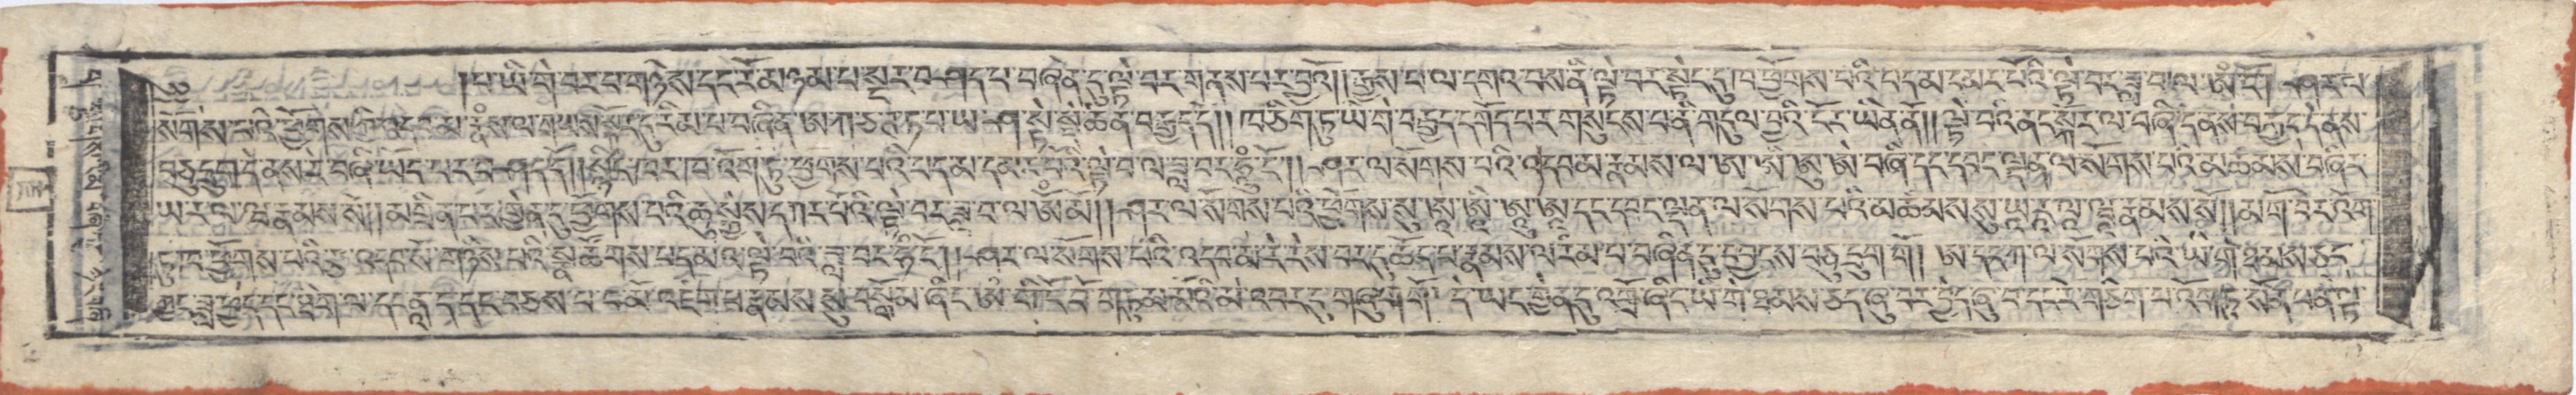༄༅། །པ་ཡི་གེ་བར་པ་གཉིས་དང་རོ་མཉམ་པ་སྔར་བཤད་པ་བཞིན་དུ་ལྟེ་བར་གནས་པར་བྱའོ། །རྒྱས་པ་ལ་དགའ་བས་ནི་ལྟེ་བར་སྟེང་དུ་ཁ་ཕྱོགས་པའི་པད་མ་དམར་པོའི་ལྟེ་བར་ཟླ་བ་ལ་ཨཾ་ངོ། ཤར་ལ་
སོགས་པའི་ཕྱོགས་ཀྱི་འདབ་མ་རྣམས་ལ་གཡས་སྐོར་དུ་རིམ་པ་བཞིན་ཨ་ཀ་ཅ་ཊ་ཏ་པ་ཡ་ཤ་སྟེ་སྡེ་ཚན་བརྒྱད་དོ། །ཁ་ཅིག་ཏུ་ཡི་གེ་བརྒྱད་དགོད་པར་གསུངས་པ་ནི་གདུལ་བྱའི་ངོར་ཡིན་ནོ། །ལྟེ་བའི་ནང་སྐོར་ལ་བཞི་དེ་ནས་བརྒྱད་དེ་ནས་
བཅུ་དྲུག་དེ་ནས་རེ་བཞི་ཡོད་པར་བཤད་དོ། །སྙིང་ཁར་ཁ་འོག་ཏུ་ཕྱོགས་པའི་པད་མ་དམར་པོའི་ལྟེ་བ་ལ་ཟླ་བར་ཧཱུཾ་ངོ། །ཤར་ལ་སོགས་པའི་འདབ་མ་རྣམས་ལ་ཨ་ཨི་ཨུ་ཨེ་བཞི་དང་དབང་ལྡན་ལ་སོགས་པའི་མཚམས་བཞིར་
ཡ་ར་ལ་ཝ་རྣམས་སོ། །མགྲིན་པར་གྱེན་དུ་ཕྱོགས་པའི་ཆུ་སྐྱེས་དཀར་པོའི་ལྟེ་བར་ཟླ་བ་ལ་ཨོཾ་མོ། །ཤར་ལ་སོགས་པའི་ཕྱོགས་སུ་ཨཱ་ཨཱི་ཨཱུ་ཨཱ་དང་དབང་ལྡན་ལ་སོགས་པའི་མཚམས་སུ་ཡཱ་རཱ་ལཱ་ཝཱ་རྣམས་སོ། །མགོ་བོར་འོག་
ཏུ་ཁ་ཕྱོགས་པའི་རྩ་འདབ་སོ་གཉིས་པའི་སྣ་ཚོགས་པད་མའི་ལྟེ་བའི་ཟླ་བར་ཧཾ་ངོ། །ཤར་ལ་སོགས་པའི་འདབ་མ་རེ་རེས་བར་དུ་ཆོད་པ་རྣམས་ལ་རིམ་པ་བཞིན་དུ་དབྱངས་བཅུ་དྲུག་གོ །ཨ་དང་ཀ་ལ་སོགས་པའི་ཡི་གེ་ཐམས་ཅད་
ཀྱང་ཟླ་ཕྱེད་དང་ཐིག་ལ་དང་ནཱ་ད་དང་བཅས་པ་བ་མོ་འཛག་པ་རྣམས་སུ་བསྒོམ་ཞིང་ཨཾ་གི་ངོ་བོ་གཏུམ་མོའི་མེ་འབར་དུ་གཞུག་གོ །དེ་ཡང་གྱེན་དུ་འགྲོ་ཞིང་ཡི་གེ་ཐམས་ཅད་ཞུ་བར་བྱེད་ཞུ་བ་དང་རོ་གཅིག་པ་འོག་ཏུ་སོན་པ་ནི་ལྟ་